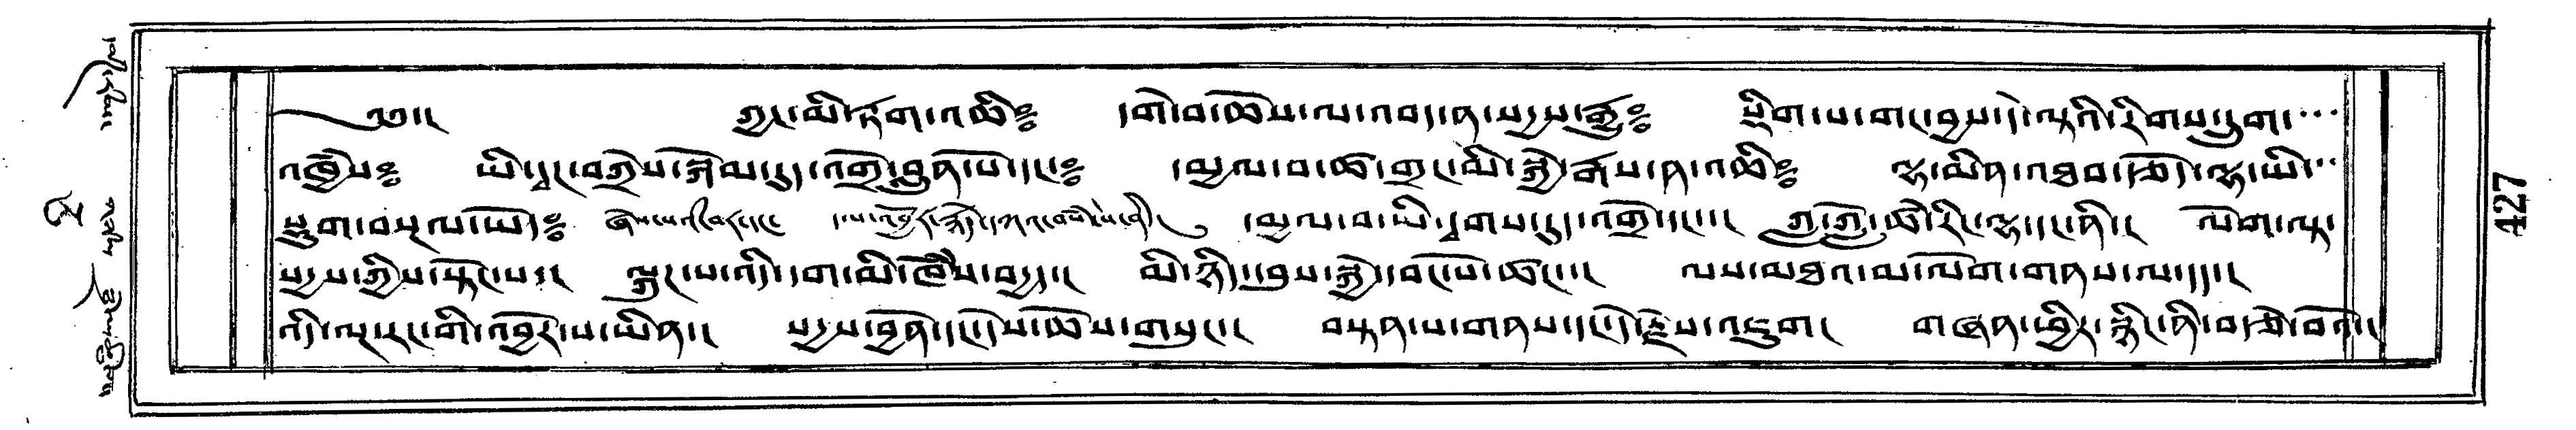ཀྱང་མི་རྟག་འཆི༔ དགེ་བ་ཆོས་ལ་འབད་ན་སངས་རྒྱས་རྒྱུ༔ སྡིག་པ་གང་བྱས་ད་ལྟའི་རིགས་དྲུག་
འཁྱམས༔ ཡི་དྭགས་བཀྲེས་སྐོམ་དུད་འགྲོ་བླུན་པོ་དང༔ དམྱལ་བ་ཚ་གྲང་མི་སྐྱེ་རྒ་ན་འཆི༔ ལྷ་མིན་འཐབ་རྩོད་ལྷ་ཡི་
སྡུག་བསྔལ་ཡོད༔ ཞེས་པའི་བར་དང་། དལ་འབྱོར་རྙེད་བསམ་པ་ནི། དམྱལ་བ་ཡི་དྭགས་དུད་འགྲོ་དང་། ཀླ་ཀློ་ཚེ་རིང་ལྷ་དང་ནི། །ལོག་ལྟ་
སངས་རྒྱས་ཀྱིས་སྟོང་པ། །ལྐུུགས་པ་འདི་དག་མི་ཁོམ་བརྒྱད། །མི་ཉིད་དབུས་སྐྱེས་དབང་པོ་ཚང་། །ལས་མཐའ་མ་ལོག་གནས་ལ་དད། །
འདི་ལྔ་རང་གི་འབྱོར་པ་ཡིན། །སངས་རྒྱས་བྱོན་དང་དེས་ཆོས་གསུངས། །བསྟན་པ་གནས་དང་དེ་རྗེས་འཇུག །གཞན་ཕྱིར་སྙིང་ནས་བརྩེ་བའོ།